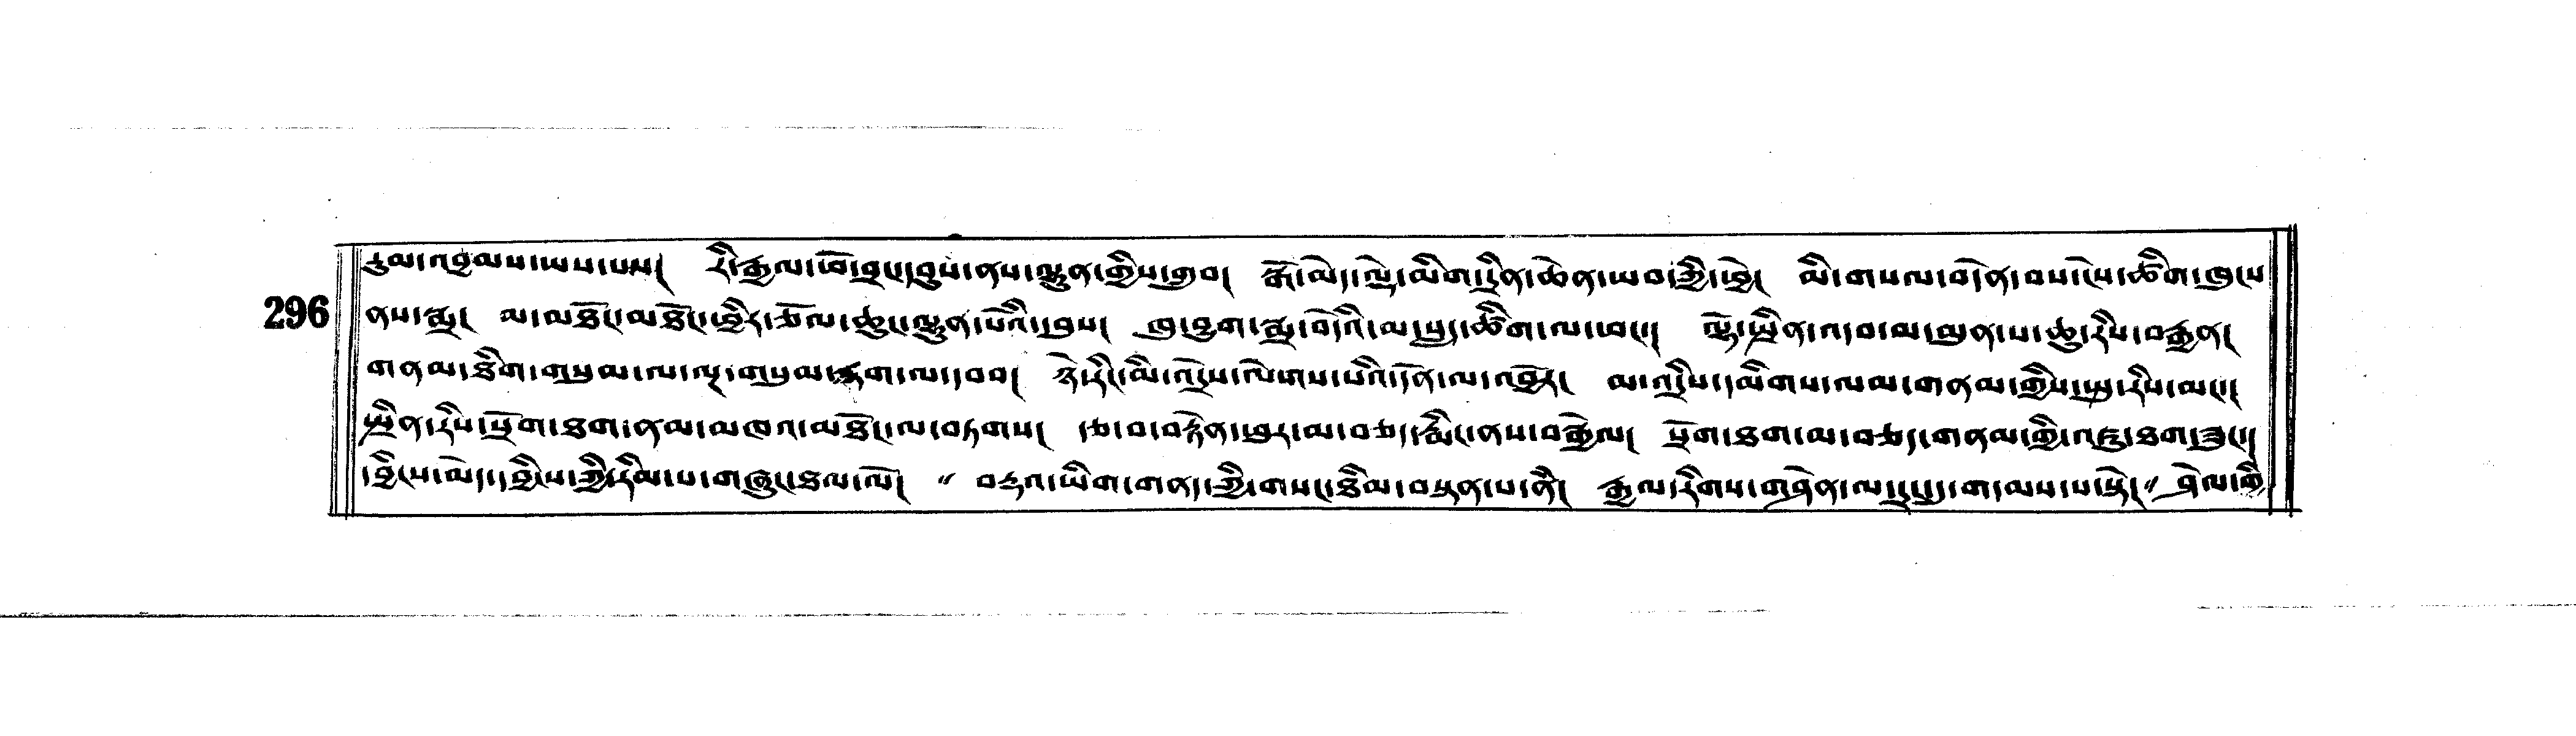རུམ་འབྱམས་ཡས་པས། རི་རྒྱལ་ཕོ་བྲང་དབུས་ན་ལྷུན་གྱིས་གྲུབ། སྒོ་མེད་ལྡེ་མིག་དྲིན་ཆེན་ཡབ་ཀྱིས་ཕྱེ། མི་གསལ་བདེན་པས་ངེས་ཚིག་ཁུངས་
ནས་སྨྲ། མ་མཐོང་མཐོང་ཕྱིར་ཅོལ་ཆུང་ལྷུན་པོའི་དབུས། ཁུ་བྱུག་སྨྲ་བདེའི་མ་བསླད་ཚིག་ལ་ཕང་། ལྷོ་སྤྲིན་འདབ་མ་མུན་པ་ཆུ་རིས་བརྒྱན། 
གནམ་ཐིག་གསུམ་ལ་ལྔ་གསུམ་སྙག་ལ་དབབ། ཉེ་རིང་མི་འདྲེས་ལེགས་པའི་དོན་ལ་འབྱོར། མ་འདྲིས་དམིགས་ལམ་གནམ་གྱི་སྤུ་རིས་མང་། 
སྤྲིན་རིས་སྲོག་ཐག་ནམ་མཁའ་མཐོང་ལ་བཏགས། རྩ་བ་རྟེན་ཕུར་མ་བཅད་རྨེང་ནས་བསྒྱེལ། སྲོག་ཐག་མ་བཅད་གནམ་གྱི་འཇུ་ཐག་ཟུང་། 
དབྱིངས་མེད་དབྱིངས་ཀྱི་རིམ་པ་གཞུང་ཐལ་ལོ། ༧ བརྡ་ཡིག་གནད་ཀྱི་གསང་ཐིམ་བསྟན་པ་ནི། རྒྱལ་རིགས་གཤེན་ལ་དྲང་དུ་གདམས་པ་སྟེ། ཤེལ་གྱི་